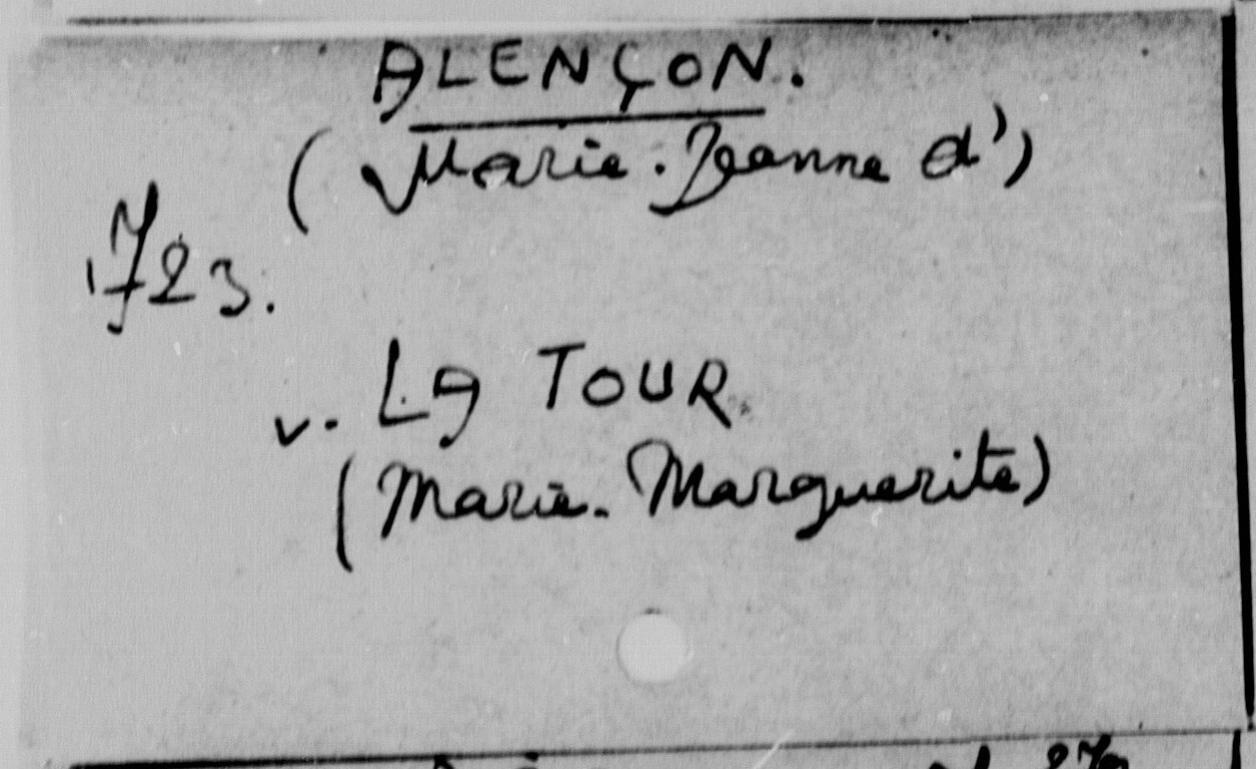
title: ALENÇON (Marie-Jeanne d')
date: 1723
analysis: Voir LATOUR (Marie-Marguerite)
